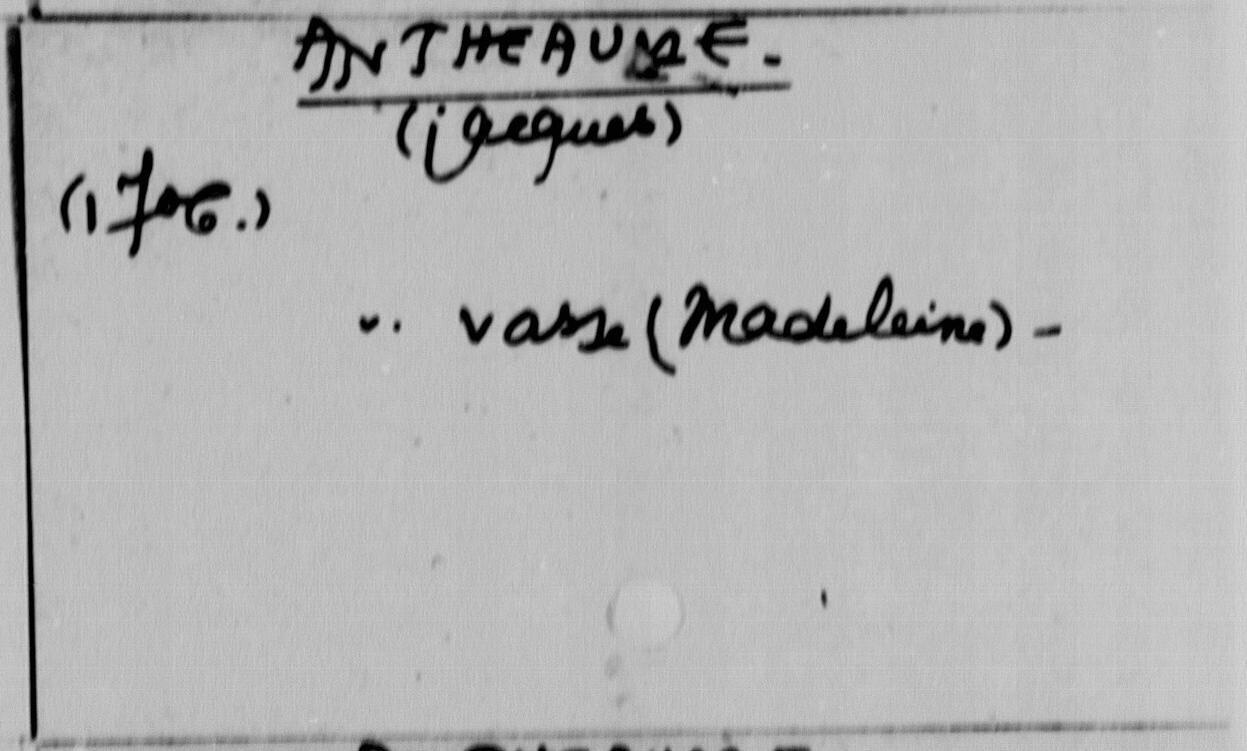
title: ANTHEAUME (Jacques)
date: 1706
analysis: Voir VASSE (Madeleine)
